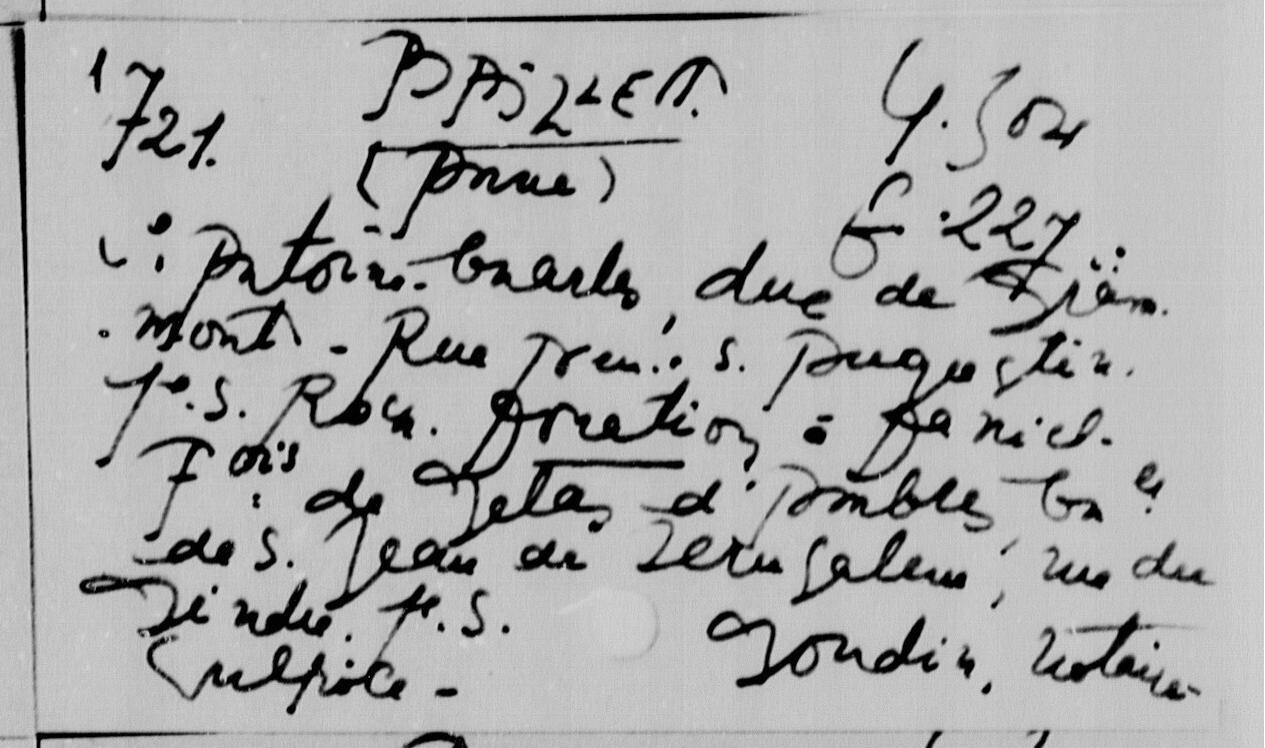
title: BAILLET (Anne)
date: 1721
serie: Y
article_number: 304
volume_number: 227
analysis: Veuve Antoine-Charles, duc de Grammont, rue Neuve-Saint-Augustin, paroisse Saint-Roch. Donation à Daniel-François de Gelas d'Ambres, chevalier de Saint-Jean de Jérusalem, rue du Gindre, paroisse Saint-Sulpice Goudin, notaire.
